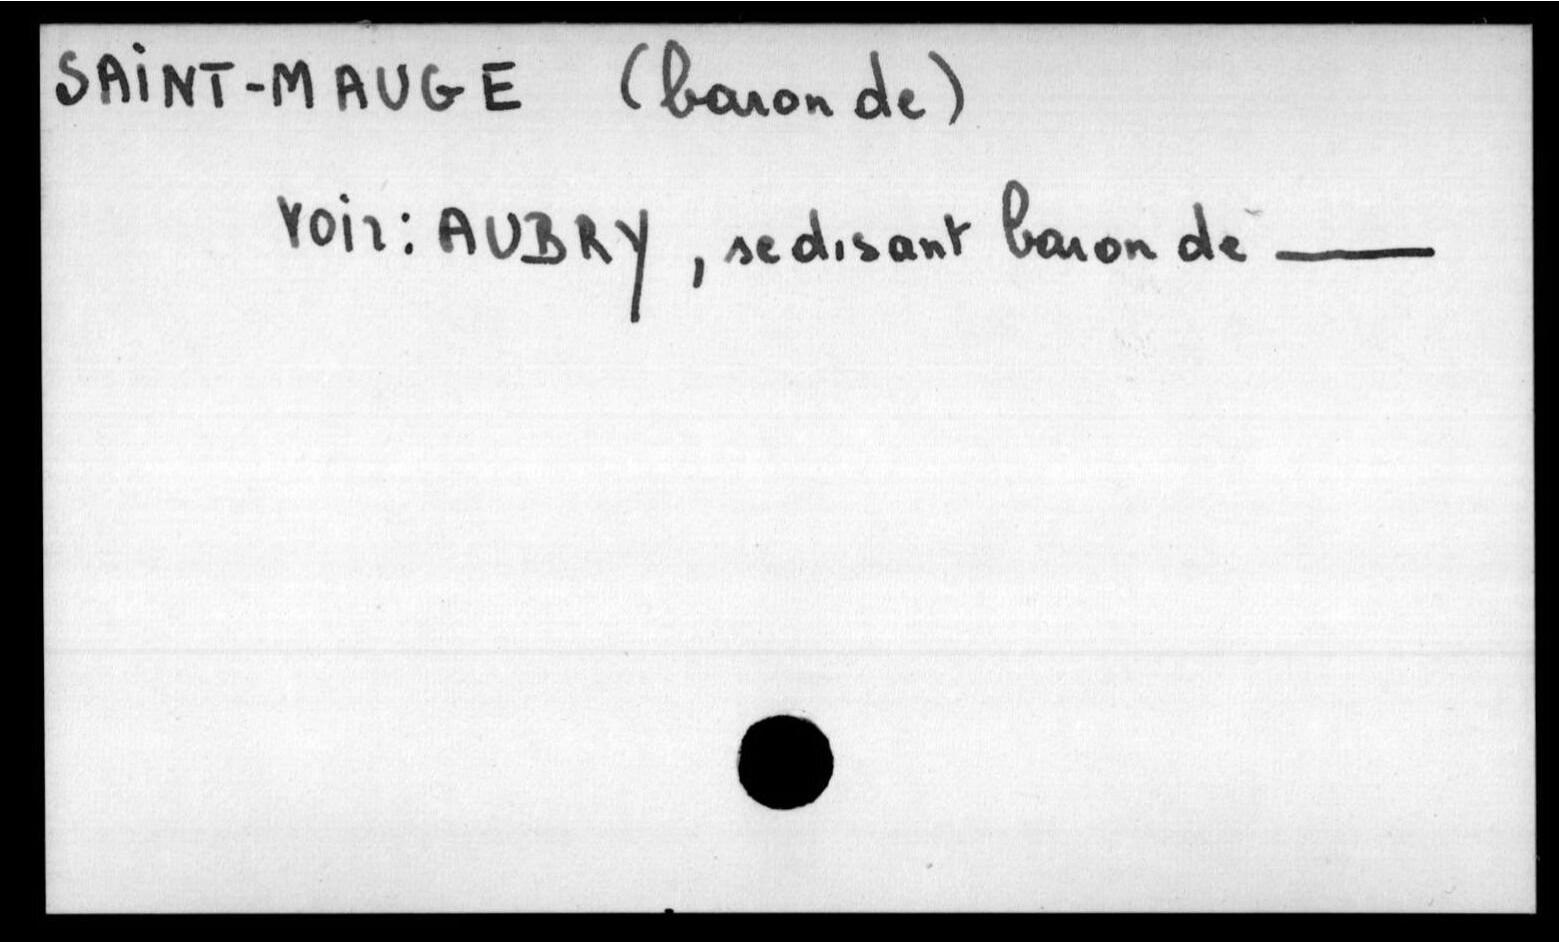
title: SAINT-MAUGE (baron de)
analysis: Voir : AUBRY, se disant baron de ------
